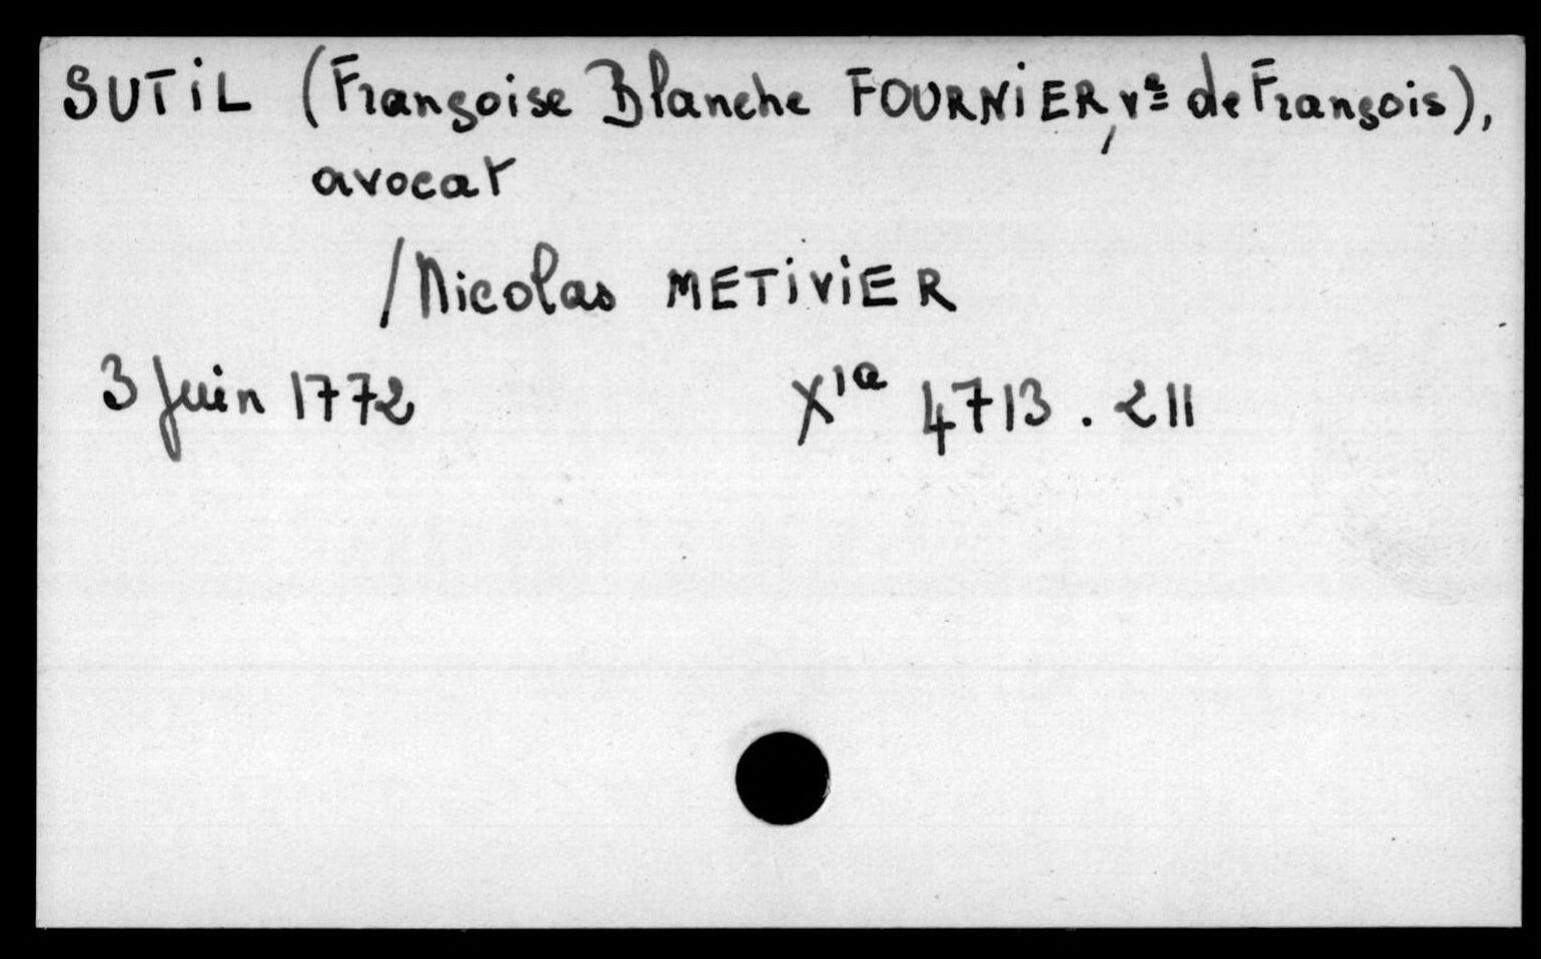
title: SUTIL (Françoise Blanche FOURNIER, veuve de François), avocat
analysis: Contre Nicolas METIVIER
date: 3 juin 1772
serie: X1a
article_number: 4713
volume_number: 211
